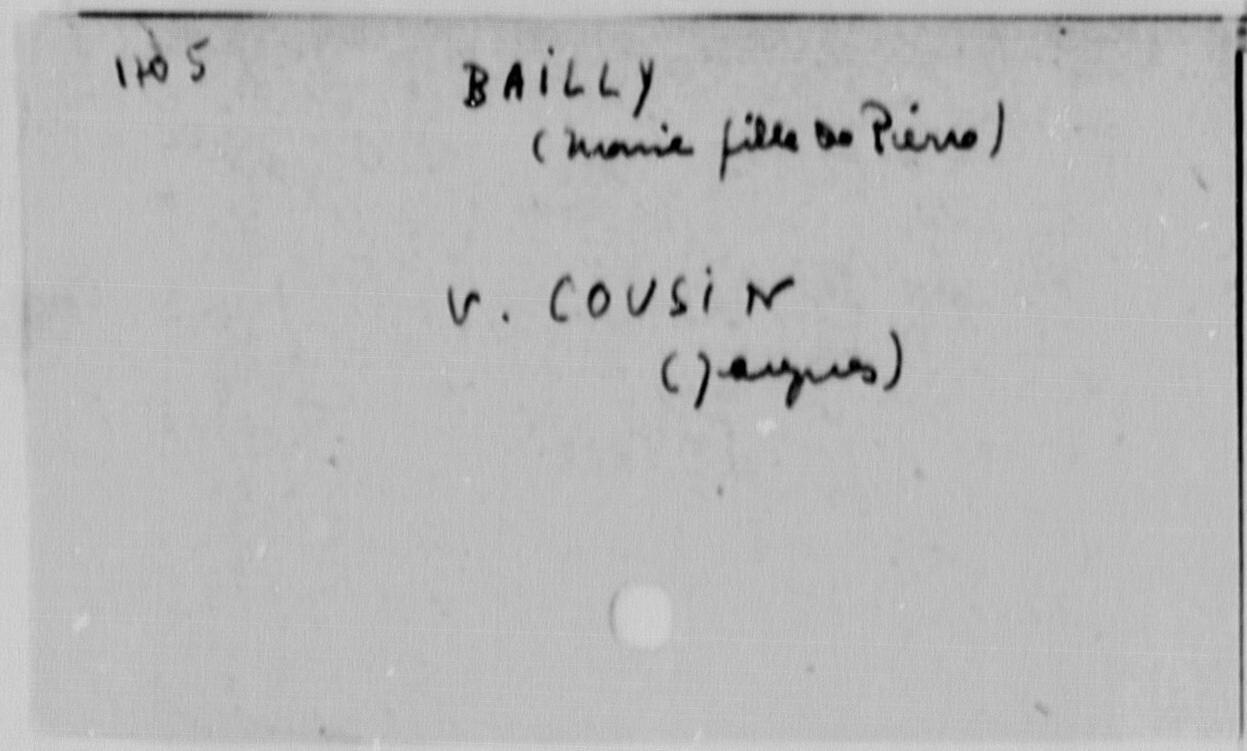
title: BAILLY (Marie fille de Pierre)
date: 1705
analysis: Voir Cousin (Jacques)
